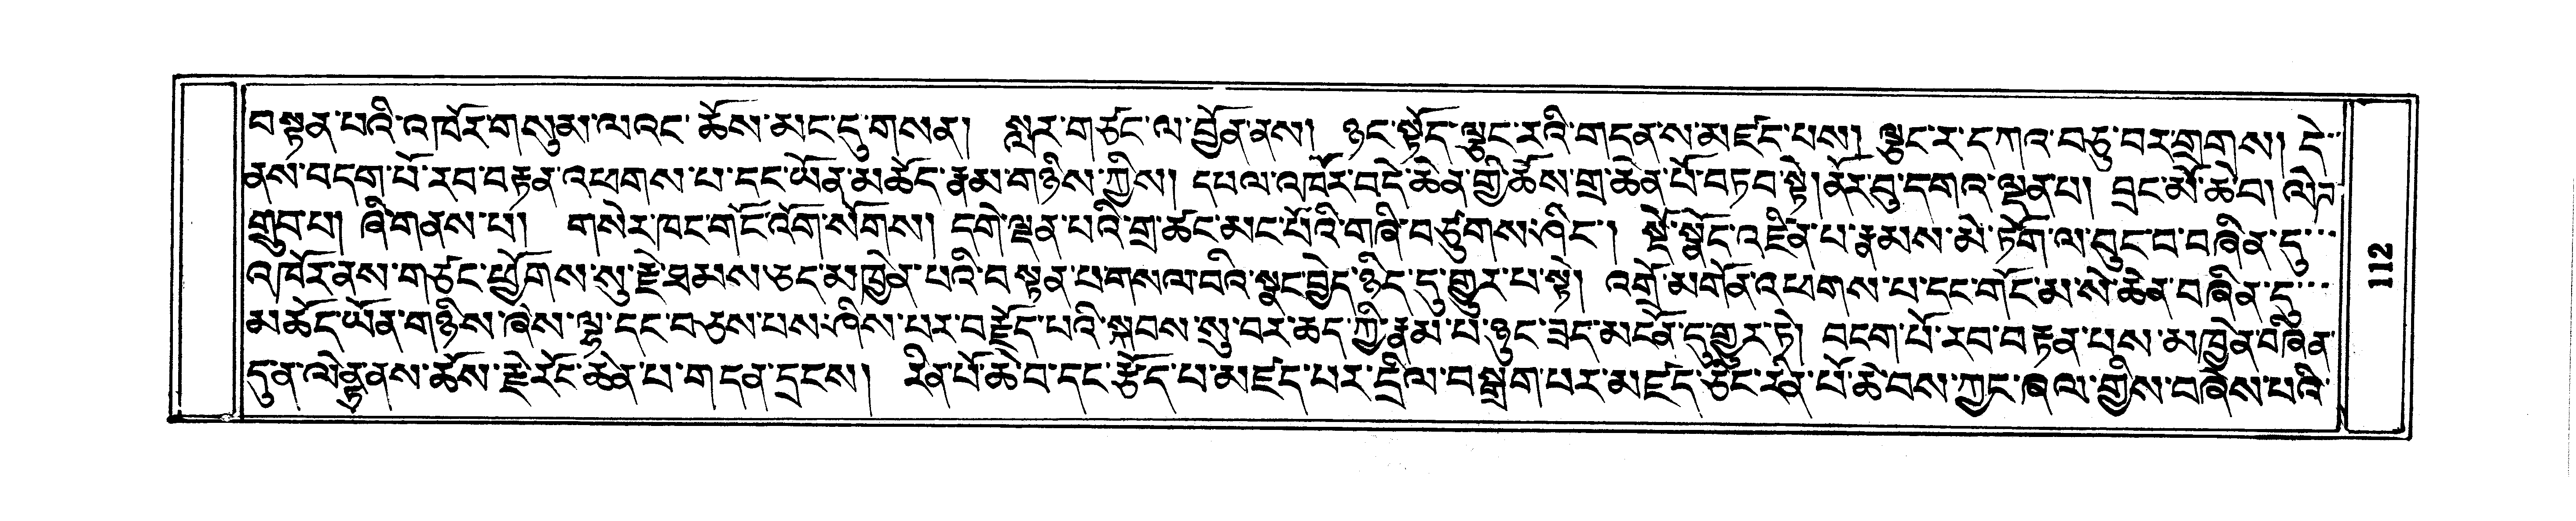བསྟན་པའི་འཁོར་གསུམ་ལའང་ཆོས་མང་དུ་གསན། སླར་གཙང་ལ་བྱོན་ནས། ཉང་སྟོད་ལྕང་རའི་གདན་ས་མཛད་པས། ལྕང་ར་དཀའ་བཅུ་བར་གྲགས། དེ་
ནས་བདག་པོ་རབ་བརྟན་འཕགས་པ་དང་ཡོན་མཆོད་རྣམ་གཉིས་ཀྱིས། དཔལ་འཁོར་བདེ་ཆེན་གྱི་ཆོས་གྲ་ཆེན་པོ་བཏབ་སྟེ། ནོར་བུ་དགའ་ལྡན་པ། བྲང་མོ་ཆེ་བ། ལེཊ་
གྲུབ་པ། ཞི་གནས་པ། གསེར་ཁང་གོང་འོག་སོགས། དགེ་ལྡན་པའི་གྲ་ཚང་མང་པོའི་གཞི་བཙུགས་ཤིང་། སྡོ་སྣོང་འཛིན་པ་རྣམས་མེ་ཏོག་ལ་བུང་བ་བཞིན་དུ་
འཁོར་ནས་གཙང་ཕྱོགས་སུ་རྗེ་ཐམས་ཅད་མཁྱེན་པའི་བསྟན་པ་གསལ་བའི་སྣང་བྱེད་ཉིད་དུ་གྱུར་པ་སྟེ། འགྲོ་མགོན་འཕགས་པ་དང་གོང་མ་སེ་ཆེན་བཞིན་དུ་
མཆོད་ཡོན་གཉིས་ཞེས་ལྷ་དང་བཅས་པས་ཤིས་པར་བརྗོད་པའི་སྐབས་སུ་བར་ཆད་ཀྱི་རྣམ་པ་ཉུང་ཟད་མངོན་དུ་གྱུར་ཏེ། བདག་པོ་རབ་བརྟན་པས་མཁྱེན་བཞིན་
དུ་ན་ལེནྟྲ་ནས་ཆོས་རྗེ་རོང་ཆེན་པ་གདན་དྲངས། རིན་པོ་ཆེ་བ་དང་རྩོད་པ་མཛད་པར་དྲིལ་བསྒྲག་པར་མཛད་ཅིང་རིན་པོ་ཆེ་བས་ཀྱང་ཞལ་གྱིས་བཞེས་པའི་